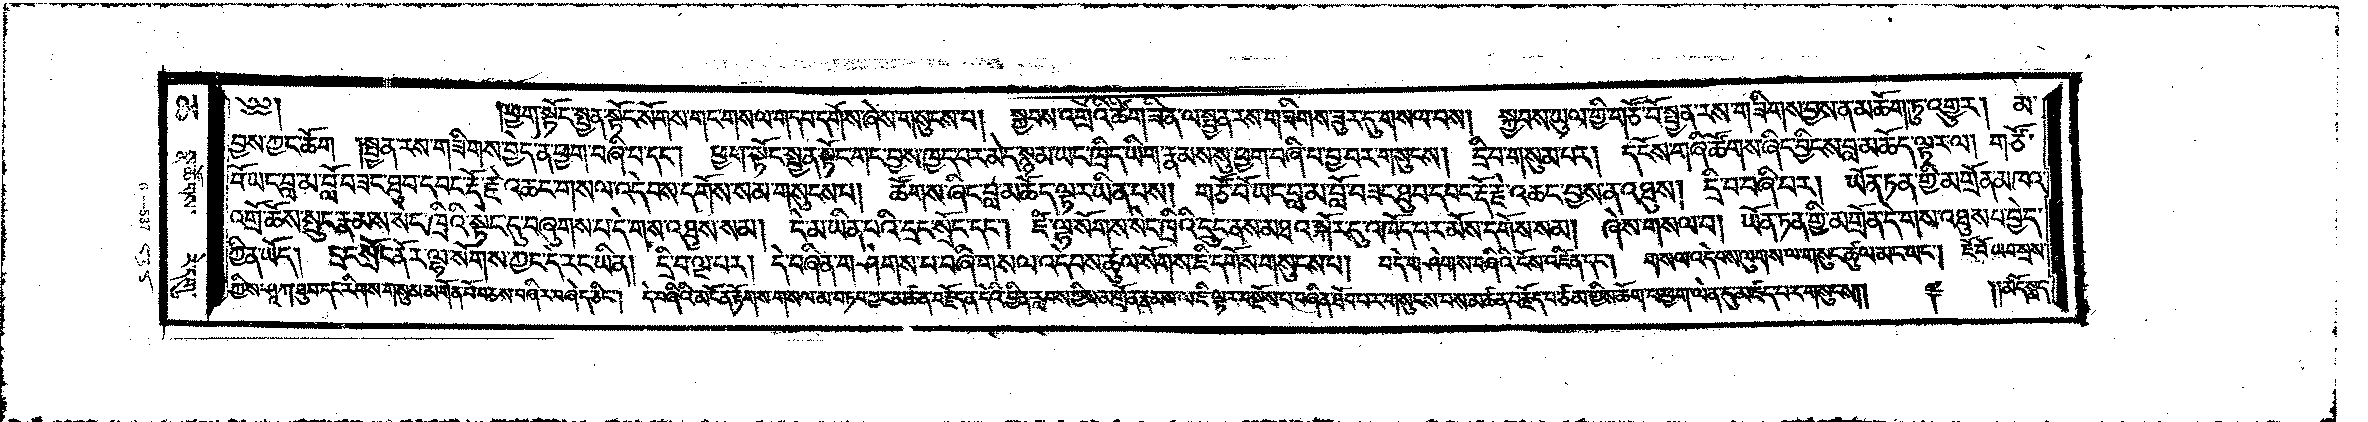༄༅། །ཕྱག་སྟོང་སྤྱན་སྟོང་སོགས་གང་གསལ་གདབ་དགོས་ཞེས་གསུངས་པ། སྐྱབས་འགྲོའི་ཚིག་ཟིན་ལ་སྤྱན་རས་གཟིགས་ཟུར་དུ་གསལ་བས། སྐྱབས་ཡུལ་གྱི་གཙོ་བོ་སྤྱན་རས་གཟིགས་བྱས་ན་མཆོག་ཏུ་འགྱུར། མ་
བྱས་ཀྱང་ཆོག །སྤྱན་རས་གཟིགས་བྱེད་ན་ཕྱག་བཞི་པ་དང་། ཕྱག་སྟོང་སྤྱན་སྟོང་གང་བྱས་ཁྱད་པར་མེད་སྙམ་ཡང་ཁྲིད་ཡིག་རྣམས་སུ་ཕྱག་བཞི་པ་བྱ་བར་གསུངས། དྲི་བ་གསུམ་པར། དངོས་གཞི་ཚོགས་ཞིང་བྱིངས་བླ་མཆོད་ལྟར་ལ། གཙོ་
བོ་ཡང་བླ་མ་བློ་བཟང་ཐུབ་དབང་རྡོ་རྗེ་འཆང་གསལ་འདེབས་དགོས་སམ་གསུངས་པ། ཚོགས་ཞིང་བླ་མཆོད་ལྟར་ཡིན་པས། གཙོ་བོ་ཡང་བླ་མ་བློ་བཟང་ཐུབ་དབང་རྡོ་རྗེ་འཆང་བྱས་ན་འཐུས། དྲི་བ་བཞི་པར། ཡོན་ཏན་གྱི་མགྲོན་མཁའ་
འགྲོ་ཆོས་སྤུང་རྣམས་སེང་ཁྲིའི་སྟེང་དུ་བཞུགས་པ་དེ་གས་འཐུས་སམ། དེ་མ་ཡིན་པའི་དྲང་སྲོང་དང་། ཛི་ལྷ་སོགས་སེང་ཁྲིའི་དྲུང་ནས་མཐའ་སྐོར་དུ་འཁོད་པར་མོས་དགོས་སམ། ཞེས་གསལ་བ། ཡོན་ཏན་གྱི་མགྲོན་དེ་གས་འཐུས་པ་བྱེད་
ཀྱིན་ཡོད། དྲང་སྲོང་ནོར་ལྷ་སོགས་ཀྱང་དེ་རང་ཡིན། དྲི་བ་ལྔ་པར། དེ་བཞིན་གཤེགས་པ་བཞི་གསལ་འདེབས་ཚུལ་སོགས་ཇི་དགོས་གསུངས་པ། བདེ་གཤེགས་བཞིའི་ངོས་འཛིན་དང་། གསལ་འདེབས་ལུགས་ལ་གསུང་ཚུལ་ཡང་ཡང་། ངོ་བོ་ཡབ་སྲས་
ཀྱིས་ཤཱཀ་ཐུབ་དང་རིགས་གསུམ་མགོན་པོ་བཅས་བཞིར་བཞེད་ཅིང་། དེ་བཞིའི་མངོན་རྟོགས་གསལ་མ་བཏབ་ཀྱང་མཚན་བརྗོད་ན་དེའི་བྱིན་རླབས་ཀྱིས་མགྲོན་རྣམས་ལ་ཇི་ལྟར་བསྔོས་པ་བཞིན་ཐོབ་པར་གསུངས་པས་མཚན་བརྗོད་བ་ཙམ་གྱིས་ཆོག་པ་ཕྱག་ལེན་དུ་མཛད་པར་གསུངས།། ༈ །།མདོ་སྨད་